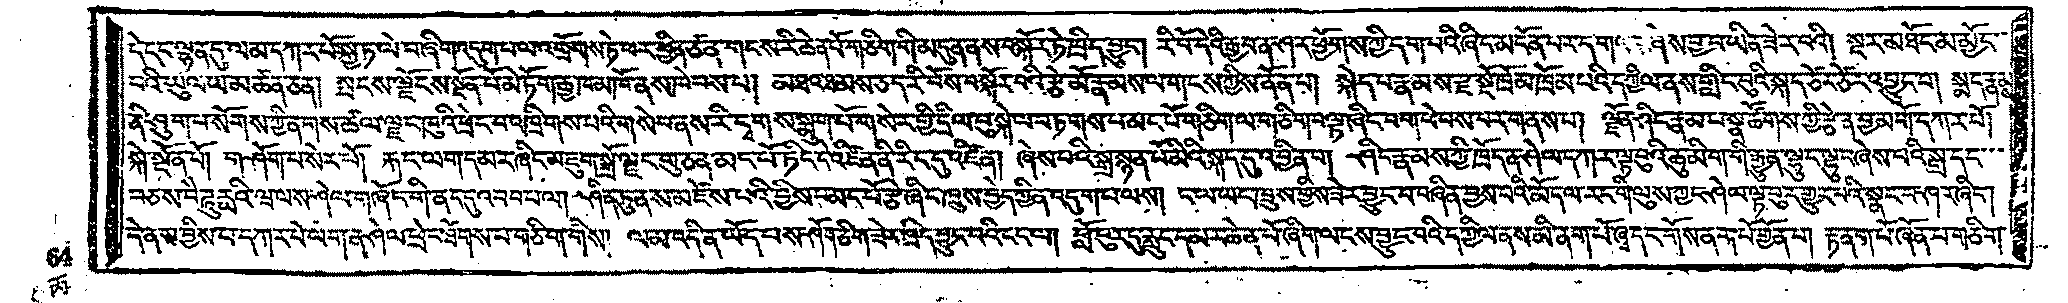དེ་དང་ལྷན་དུ་ལམ་དཀར་པོ་སྐྱ་ཏ་ལེ་བ་ཞིག་འདུག་པ་ལ་འགྲོགས་ཏེ་ཕར་ཕྱིན་ཙན་གངས་རི་ཆེན་པོ་གཅིག་གི་མདུན་ནས་བསྐོར་ཏེ་ཁྲིད་བྱུང་། རི་བོ་དེའི་རྒྱབ་ན་ཤར་ཕྱོགས་ཀྱི་དག་པའི་ཞིང་མངོན་པར་དགའ་བཞེས་བྱ་བ་ཡིན་ཟེར་བའི། སྔར་མཐོང་མ་མྱོང་
བའི་ཡུལ་ཡ་མཚན་ཅན། སྤངས་ལྗོངས་སྔོན་པོ་མེ་ཏོག་རྒྱ་ཁ་མ་ཁོ་ནས་ཁེབས་པ། མཐའ་ཐམས་ཅད་རི་བོས་བསྐོར་བའི་རྩེ་མོ་རྣམས་ལ་གངས་ཀྱིས་ནོན་པ། སྐེད་པ་རྣམས་རྫ་སྔོ་ཁྲོམ་ཁྲོམ་པའི་དཀྱིལ་ནས་གླིང་བུའི་སྐད་ཙེར་ཙེར་འབྱུང་བ། སྨད་རྣམས་
ནི་ཤུག་པ་སོགས་ཀྱི་ནགས་ཚལ་ལྗང་ཁུའི་ཕྲེང་བ་འཁྲིགས་པའི་གསེབ་ནས་རི་དྭགས་སྨུག་པོ་གསེར་གྱི་དྲིལ་བུ་སྐེ་ལ་བཏགས་པ་མང་པོ་གཅིག་ལ་གཅིག་བལྟ་ཞིང་བག་ཕེབས་པར་གནས་པ། ལྗོན་ཤིང་རྣམ་པ་སྣ་ཚོགས་ཀྱི་རྩེ་ན་བྱ་མགོ་དཀར་པོ།
སྐེ་སྔོན་པོ། གཤོག་པ་སེར་པོ། རྐང་ལག་དམར་ཞིང་འཇུག་སྒྲོ་ལྗང་གུ་ཅན་མང་པོ་ཏིང་ངེ་འཛིན་ནི་རིང་དུ་འཛིན། ཞེས་པའི་སྒྲ་སྙན་པོ་མིའི་སྐད་དུ་འབྱིན་པ། ཤིང་རྣམས་ཀྱི་ཁྲོད་ན་ཤེལ་དཀར་ལྟ་བུའི་ཆུ་མིག་གི་རྒྱུན་ལྷུང་ལྷུང་ཞེས་པའི་སྒྲ་དང་
བཅས་བཻ་ཌཱུརྱའི་ཝ་ལས་ཤེལ་གཞོང་གི་ནང་དུ་འབབ་པ་ལ། ཤིན་ཏུ་ནས་མཛེས་པའི་བྱིས་པ་མང་པོ་རྩེ་ཞིང་ཁྲུས་བྱེད་ཀྱིན་འདུག་པ་ལས། ང་ལ་ཡང་ཁྲུས་ཀྱིས་ཟེར་བྱུང་བ་བཞིན་བྱས་པའི་མདོ་ལ་རང་གི་ལུས་ཀྱང་ཤེལ་ལྟ་བུར་གྱུར་པའི་སྣང་བ་ཤར་ཞིང་།
དེ་ནས་བྱིས་པ་དཀར་པོ་ལ་གན་ཤེལ་ཕྲེང་ཐོགས་པ་གཅིག་གིས། ལམ་འདི་ན་ཡོད་པས་ཤོག་ཅིག་ཟེར་ཁྲིད་བྱུང་བའི་ངང་ལ། བློ་བུར་དུ་རླུང་དམར་ཆེན་པོ་ཞིག་ལངས་བྱུང་བའི་དཀྱིལ་ནས་མི་ནག་པོ་ཞྭ་དང་གོས་ནག་པོ་གྱོན་པ། རྟ་ནག་པོ་ཞོན་པ་གཅིག་